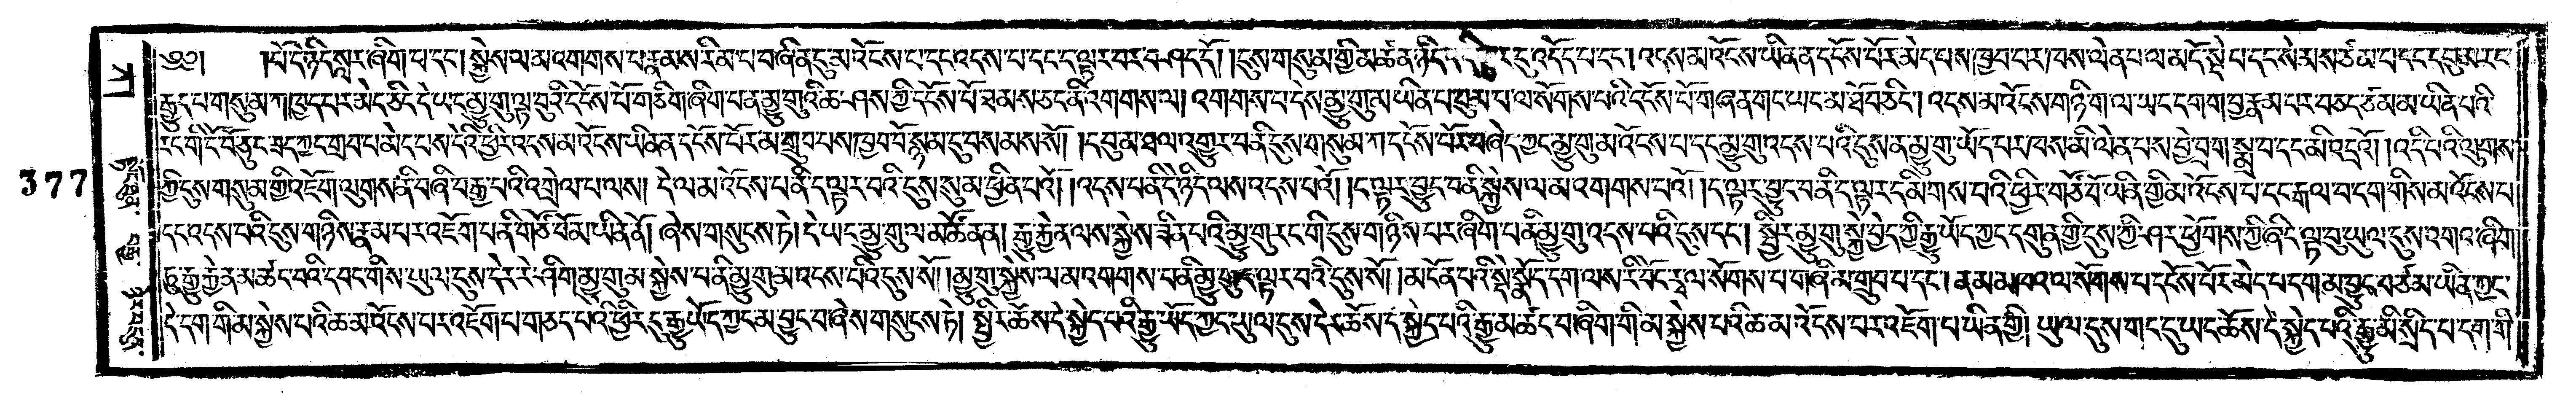༄༅། །པོ་དེ་ཉིད་སླར་ཞིག་ག་དང་། སྐྱེས་ལ་མ་འགགས་པ་རྣམས་རིམ་པ་བཞིན་དུ་མ་འོངས་པ་དང་འདས་པ་དང་དེ་ལྟར་བར་བཤད་དོ། །དུས་གསུམ་གྱི་མཚན་ཉིད་འདི་ལྟར་དུ་འདོད་པ་དང་། འདས་མ་འོངས་ཡིན་ན་དངོས་པོར་མེད་པས་ཁྱབ་པར་ཁས་ལེན་པ་ལ་མདོ་སྡེ་པ་དང་སེམས་ཙམ་པ་དང་དངུ་མ་རང་
རྒྱུད་པ་གསུམ་ཀ་ཁྱད་པར་མེད་ཅིང་དེ་ཡང་མྱུ་གུ་ལྟ་བུའི་དངོས་པོ་གཅིག་ཞིག་པ་ན་མྱུ་གུའི་ཆ་ཤས་ཀྱི་དངོས་པོ་ཐམས་ཅད་ནི་འགགས་ལ། འགགས་པ་དེས་མྱུ་གུ་མ་ཡིན་པ་བུམ་པ་ལ་སོགས་པའི་དངོས་པོ་གཞན་གང་ཡང་མ་ཐོབ་ཅིང་། འདས་མ་འོངས་གཉི་ག་ལ་ཡང་དགག་བྱ་རྣམ་པར་བཅད་ཙམ་མ་ཡིན་པའི་
རང་གི་ངོ་བོ་ཅུང་ཟད་ཀྱང་གྲབ་པ་མེད་པས་དེའི་ཕྱིར་འདས་མ་འོངས་ཡིན་ན་དངོས་པོར་མ་གྲུབ་པས་ཁྱབ་བོ་སྙམ་དུ་བསམས་སོ། །དབུ་མ་ཐལ་འགྱུར་བ་ནི་དུས་གསུམ་ཀ་དངོས་པོར་བཞེད་ཀྱང་མྱུ་གུ་མ་འོངས་པ་དང་མྱུ་གུ་འདས་པའི་དུས་ན་མྱུ་གུ་ཡོད་པར་ཁས་མི་ལེན་པས་བྱེ་བྲག་སྨྲ་བ་དང་མི་འདྲའོ། །འདི་པའི་ལུགས་
ཀྱི་དུས་གསུམ་གྱི་འཇོག་ལུགས་ནི་བཞི་བརྒྱ་པའི་འགྲེལ་པ་ལས། དེ་ལ་མ་འོངས་པ་ནི་ད་ལྟར་བའི་དུས་སུམ་ཕྱིན་པའོ། །འདས་པ་ནི་དེ་ཉིད་ལས་འདས་པའོ། །དེ་ལྟར་བྱུང་བ་ནི་སྐྱེས་ལ་མ་འགགས་པའོ། །ད་ལྟར་བྱུང་བ་ནི་ད་ལྟར་དམིགས་པའི་ཕྱིར་གཙོ་བོ་ཡིན་གྱི་མ་འོངས་པ་དང་རྒལ་བ་དག་གིས་མ་འོངས་པ་
དང་འདས་པའི་དུས་གཉིས་རྣམ་པར་འཇོག་པ་ནི་གཙོ་བོ་མ་ཡིན་ནོ། ཞེས་གསུངས་ཏེ། དེ་ཡང་མྱུ་གུ་ལ་མཚོན་ན། རྒྱུ་རྐྱེན་ལས་སྐྱེས་ཟིན་པའི་མྱུ་གུ་རང་གི་དུས་གཉིས་པར་ཞིག་པ་ནི་མྱུ་གུ་འདས་པའི་དུས་དང་། སྤྱིར་མྱུ་གུ་སྐྱེ་བྱེད་ཀྱི་རྒྱུ་ཡོད་ཀྱང་དགུན་གྱི་དུས་ཀྱི་ཤར་ཕྱོགས་ཀྱི་ཞིང་ལྟ་བུ་ཡུལ་དུས་འགའ་ཞིག་
ཏུ་རྒྱུ་རྐྱེན་མཚང་བའི་དབང་གིས་ཡུལ་དུས་དེར་རེ་ཤིག་མྱུ་གུམ་སྐྱེས་པ་ནི་མྱུ་གུམ་འདས་པའི་དུས་སོ། །མྱུ་གུ་སྐྱེས་ལམ་འགགས་པ་ནི་མྱུ་གུ་ད་ལྟར་བའི་དུས་སོ། །མངོན་པའི་སྡེ་སྣོད་དག་ལས་རི་བོང་རྭ་ལ་སོགས་པ་གཞི་མ་གྲུབ་པ་དང་། ནམ་མཁའ་ལ་སོགས་པ་དངོས་པོར་མེད་པ་དག་མ་བྱུང་བ་ཙམ་ཡིན་ཀྱང་
དེ་དག་གི་མ་སྐྱེས་པའི་ཆ་མ་འོངས་པར་འཇོག་པ་གཅད་པའི་ཕྱིར་དུ་རྒྱུ་ཡོད་ཀྱང་མ་བྱུང་བ་ཞེས་གསུངས་ཏེ། སྤྱིར་ཆོས་དེ་སྐྱེད་པའི་རྒྱུ་ཡོད་ཀྱང་ཡུལ་དུས་དེར་ཆོས་ད་སྐྱེད་པའི་རྒྱུ་མ་ཚང་བ་ཞིག་གི་མ་སྐྱེས་པའི་ཆ་མ་འོངས་པར་འཇོག་པ་ཡིན་གྱི། ཡུལ་དུས་གང་དུ་ཡང་ཆོས་དེ་སྐྱེད་པའི་རྒྱུ་མི་སྲིད་པ་དག་གི་